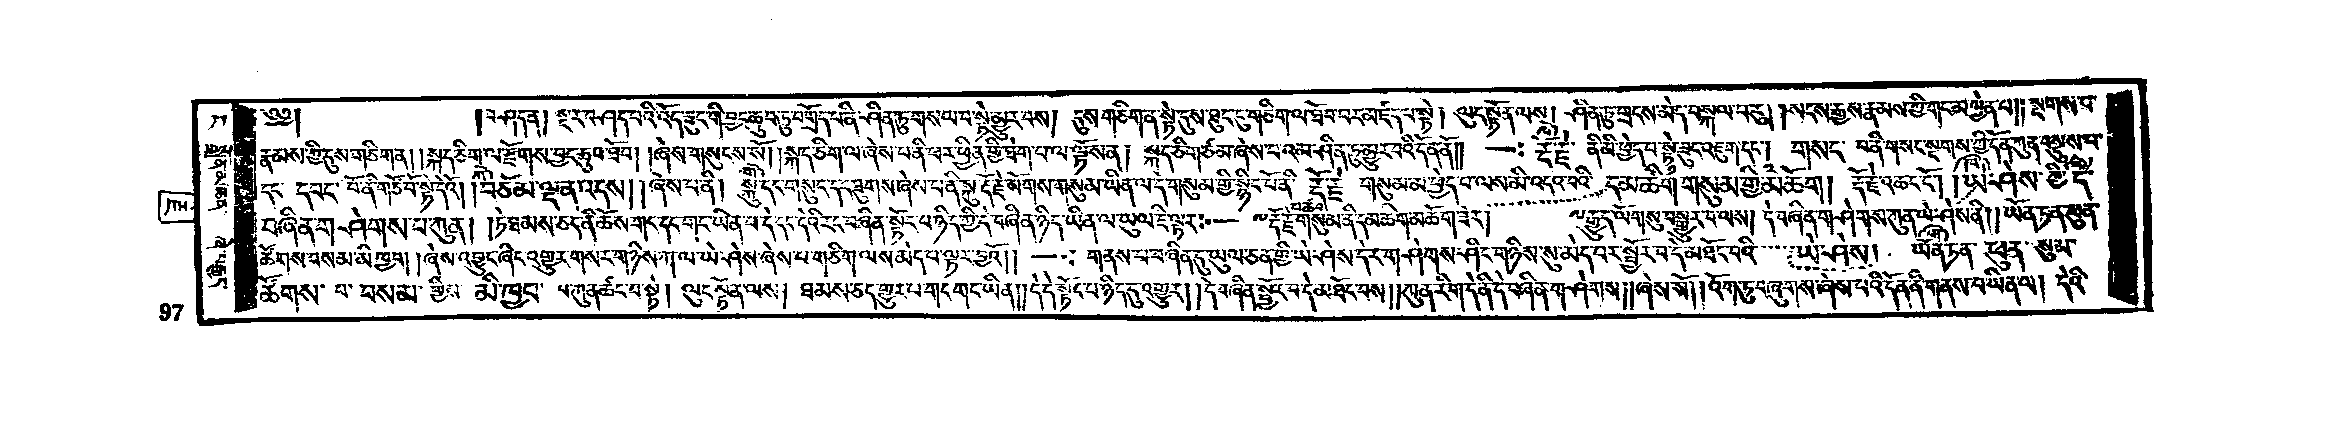༄༅། །བཤད་ན། སྔར་བཤད་པའི་འོད་ཟུང་གི་བྱང་ཆུབ་ཏུ་བགྲོད་པ་ནི་ཤིན་ཏུ་གསལ་བ་སྟེ་མྱུར་བས། དུས་གཅིག་ན་སྟེ་དུས་ཐུང་ངུ་གཅིག་ལ་ཐོབ་པར་མཛད་པ་སྟེ། ལུང་སྟོན་ལས། ཤིན་ཏུ་གྲངས་མེད་བསྐལ་པ་རུ། །སངས་རྒྱས་རྣམས་ཀྱི་གང་མཁྱེན་པ། །སྔགས་པ་
རྣམས་ཀྱི་དུས་གཅིག་ན། །སྐད་ཅིག་ལ་རྫོགས་བྱང་ཆུབ་ཐོབ། །ཞེས་གསུངས་སོ། །སྐད་ཅིག་ལ་ཞེས་པ་ནི་ཕར་ཕྱིན་གྱི་ཐེག་པ་ལ་ལྟོས་ན། སྐད་ཅིག་ཙམ་ཞེས་པའམ་ཤིན་ཏུ་མྱུར་བའི་དོན་ནོ།། H.་རྡོ་རྗེ་ནི་མི་ཕྱེད་པ་སྟེ་ཟུང་འཇུག་དང་། གསང་བ་ནི་གསང་སྔགས་ཀྱི་དོན་ཀུན་བསྡུས་པ་
དང་དབང་པོ་ནི་གཙོ་བོ་སྟེ་དེའོ། །བཅོམ་ལྡན་འདས། །ཞེས་པ་ནི། སྐུ་དང་གསུང་དང་ཐུགས་ཞེས་པ་ནི་སྐུ་རྡོ་རྗེ་སོགས་གསུམ་ཡིན་ལ་དེ་གསུམ་གྱི་སྙིང་པོ་ནི་རྡོ་རྗེ་གསུམ་མ་ཕྱེད་པ་ལས་མི་འདའ་བའི་དམ་ཚིག་གསུམ་གྱི་མཆོག །རྡོ་རྗེ་འཆང་ངོ། །ཡེ་ཤེས་ཀྱི་དེ་
བཞིན་གཤེགས་པ་ཀུན། །ཏེ་ཐམས་ཅད་ནི་ཆོས་གང་དང་གང་ཡིན་པ་དེ་དང་དེའི་རང་བཞིན་སྟོང་པ་ཉིད་ཀྱི་དེ་བཞིན་ཉིད་ཡིན་ལ་ཡུལ་ཇི་ལྟར་H.་༧རྡོ་རྗེ་གསུམ་ནི་དམ་ཚིག་མཆོག་ཟེར། ༧རྒྱུད་ལོགས་སུ་བསྒྱུར་བ་ལས། དེ་བཞིན་གཤེགས་ཀུན་ཡེ་ཤེས་ནི། །ཡོན་ཏན་ཕུན་
ཚོགས་བསམ་མི་ཁྱབ། །ཞེས་འབྱུང་ཞིང་འགྱུར་གསར་གཉིས་ཀ་ལ་ཡེ་ཤེས་ཞེས་པ་གཅིག་ལས་མེད་པ་ལྟར་བྱའོ།། H.་གནས་པ་བཞིན་དུ་ཡུལ་ཅན་གྱི་ཡེ་ཤེས་དེར་གཤེགས་ཤིང་གཉིས་སུ་མེད་པར་སྦྱོར་བ་དེ་མཐོང་བའི་ཡེ་ཤེས། ཡོན་ཏན་ཕུན་སུམ་
ཚོགས་པ་བསམ་གྱིས་མི་ཁྱབ་པ་ཀུན་ཚང་བ་སྟེ། ལུང་སྟོན་ལས། ཐམས་ཅད་གྱུར་པ་གང་གང་ཡིན། །དེ་དེ་སྟོང་པ་ཉིད་དུ་འགྱུར། །དེ་བཞིན་སྦྱོར་བ་དེ་མཐོང་བས། །ཀུན་རིག་དེ་ནི་དེ་བཞིན་གཤེགས། །ཞེས་སོ། །འོག་ཏུ་བཞུགས་ཞེས་པའི་དོན་ནི་གནས་པ་ཡིན་ལ། དེའི་